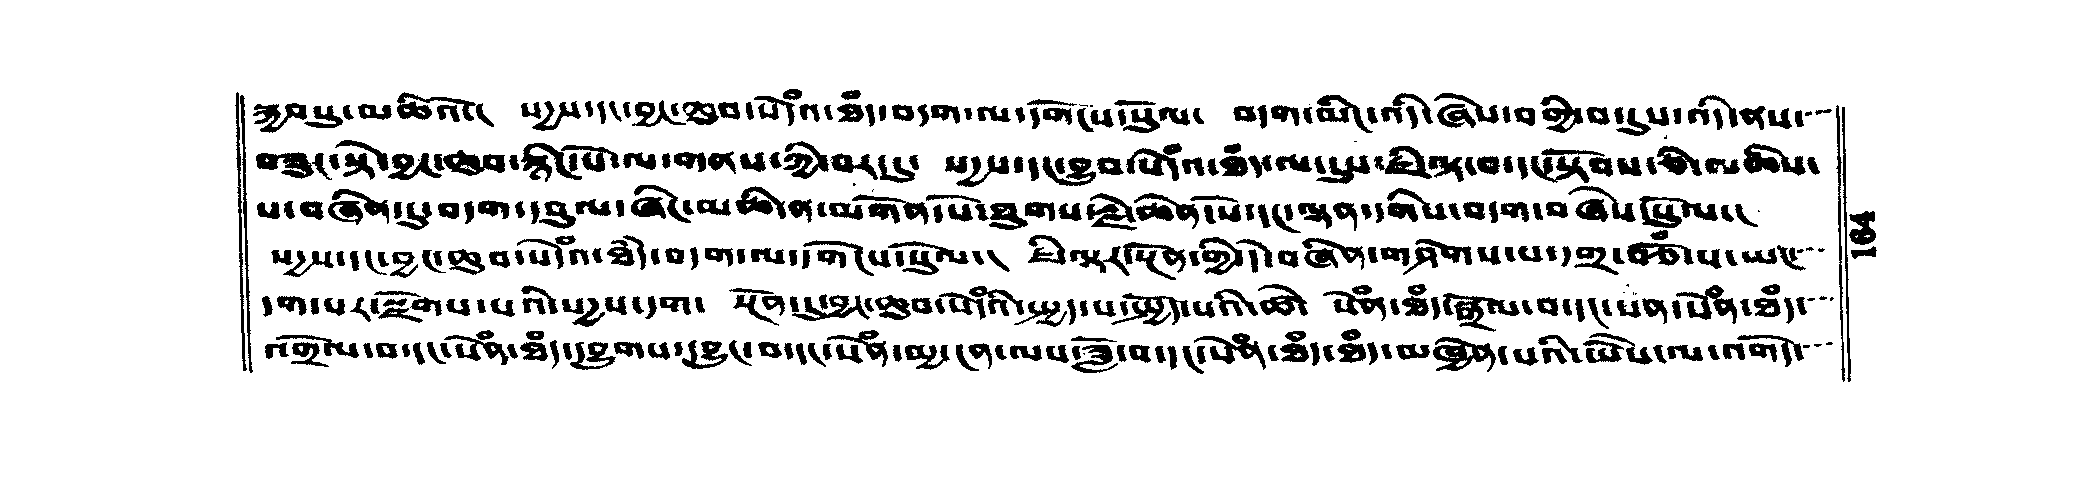སྐྱབས་སུ་མཆིའོ། སངས་རྒྱས་དང་བྱང་ཆུབ་སེམས་དཔའ་ཐམས་ཅད་བདག་ལ་དགོངས་སུ་གསོལ། བདག་མིང་འདི་ཞེས་བགྱི་བ་དུས་འདི་ནས་
བཟུང་སྟེ་བྱང་ཆུབ་སྙིང་པོ་ལ་གནས་ཀྱི་བར་དུ། སངས་རྒྱས་དང་བྱང་ཆུབ་སེམས་དཔའ་ཐམས་ཅད་ལ་དུས་ཇི་ལྟ་བ་དང་སྟོབས་ཅི་མཆིས་
པ་བཞིན་དུ་བདག་དབུལ་ཞིང་མཆི་ན་མགོན་པོ་ཐུགས་རྗེ་ཆེན་པོ་དང་ལྡན་དག་གིས་བདག་བཞེས་སུ་གསོལ། 
སངས་རྒྱས་དང་བྱང་ཆུབ་སེམས་དཔའ་ཐམས་ཅད་བདག་ལ་དགོངས་སུ་གསོལ། ཇི་ལྟར་སྔོན་གྱི་དེ་བཞིན་གཤེགས་པ་དགྲ་བཅོམ་པ་ཡང་
དག་པར་རྫོགས་པའི་སངས་རྒྱས་དག སྔོན་དུ་བྱང་ཆུབ་སེམས་དཔའི་སྤྱད་པ་སྤྱོད་པའི་ཚེ། སེམས་ཅན་ཐམས་ཅད་སྒྲོལ་བ་དང་སེམས་ཅན་ཐམས་ཅད་
འགྲོལ་བ་དང་སེམས་ཅན་ཐམས་ཅད་དབྱུགས་དབྱུང་བ་དང་སེམས་ཅན་མྱ་ངན་ལས་ཟློ་བ་དང་སེམས་ཅན་ཐམས་ཅད་ཐམས་ཅད་མཁྱེན་པའི་ཡེ་ཤེས་ལ་འགོད་